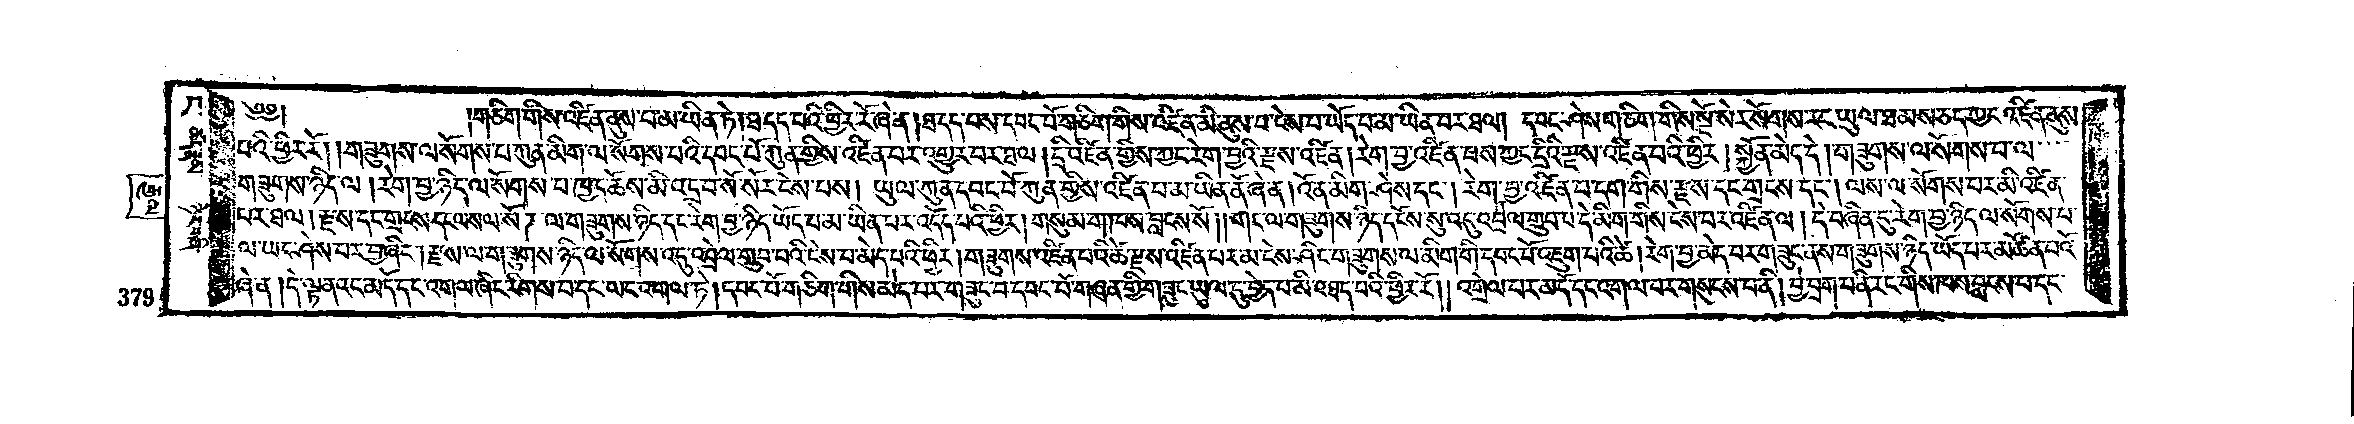༄༅། །གཅིག་གིས་འཛིན་ནུས་པ་མ་ཡིན་ཏེ། ཐ་དད་པའི་ཕྱིར་རོ་ཞེ་ན། ཐ་དད་པས་དབང་པོ་གཅིག་གིས་འཛིན་མི་ནུས་པ་ངེས་པ་ཡོད་པ་མ་ཡིན་པར་ཐལ། དབང་ཤེས་གཅིག་གིས་སྔོ་སེར་སོགས་རང་ཡུལ་ཐམས་ཅད་ཀྱང་འཛིན་ནུས་
པའི་ཕྱིར་རོ། །གཟུགས་ལ་སོགས་པ་ཀུན་མིག་ལ་སོགས་པའི་དབང་པོ་ཀུན་གྱིས་འཛིན་པར་འགྱུར་པར་ཐལ། དྲི་འཛིན་གྱིས་ཀྱང་རེག་བྱའི་རྫས་འཛིན། རེག་བྱ་འཛིན་པས་ཀྱང་དྲིའི་རྫས་འཛིན་པའི་ཕྱིར། སྐྱོན་མེད་དེ། གཟུགས་ལ་སོགས་པ་ལ་
གཟུགས་ཉིད་ལ། རེག་བྱ་ཉིད་ལ་སོགས་པ་ཁྱད་ཆོས་མི་འདྲ་བ་སོ་སོར་ངེས་པས། ཡུལ་ཀུན་དབང་པོ་ཀུན་གྱིས་འཛིན་པ་མ་ཡིན་ནོ་ཞེ་ན་འོ་ན་མིག་ཤེས་དང་། རེག་བྱ་འཛིན་པ་དག་གིས་རྫས་དང་གྲངས་དང་། ལས་ལ་སོགས་པར་མི་འཛིན་
པར་ཐལ། རྫས་དང་གྲངས་དང་ལས་ལ་སོགས་ལ་གཟུགས་ཉིད་དང་རེག་བྱ་ཉིད་ཡོད་ཨ་མ་ཡིན་པར་འདོད་པའི་ཕྱིར། གསུམ་ག་ཁས་བླངས་སོ། །གང་ལ་གཟུགས་ཉིད་དངོས་སུ་འདུ་འབྲེལ་གྲུབ་པ་དེ་མིག་གིས་ངེས་པར་འཛིན་ལ། དེ་བཞིན་དུ་རེག་བྱེ་ཉིད་ལ་སོགས་པ་
ལ་ཡང་ཤེས་པར་བྱ་ཞིང་། རྫས་ལ་གཟུགས་ཡིད་ལ་སོགས་འདུ་འབྲེལ་གྲུབ་པའི་ངེས་པ་མེད་པའི་ཕྱིར། གཟུགས་འཛིན་པའི་ཚེ་རྫས་འཛིན་པར་མ་ངེས་ཤིང་གཟུགས་ལ་སྨིག་གི་དབང་པོ་འཇུག་པའི་ཚེ། རེག་བྱ་མེད་པར་གཟུང་ནས་གཟུགས་ཉིད་ཡོད་པར་མཚོན་པའོ་
ཞེ་ན། དེ་ལྟ་ནའང་མདོ་དང་འགལ་ཞིང་རིགས་པ་དང་ཡང་འགལ་ཏེ། དབང་པོ་གཅིག་གིས་མེད་པར་གཟུང་བ་དབང་པོ་གཞན་གྱི་གཟུང་ཡུལ་དུ་བྱེད་པ་མི་འཐད་པའི་ཕྱིར་རོ། །འགྲེལ་པར་མདོ་དང་འགལ་བར་གསུངས་པ་ནི། བྱེ་བྲག་པ་ནི་རང་གིས་ཁས་བླངས་པ་དང་